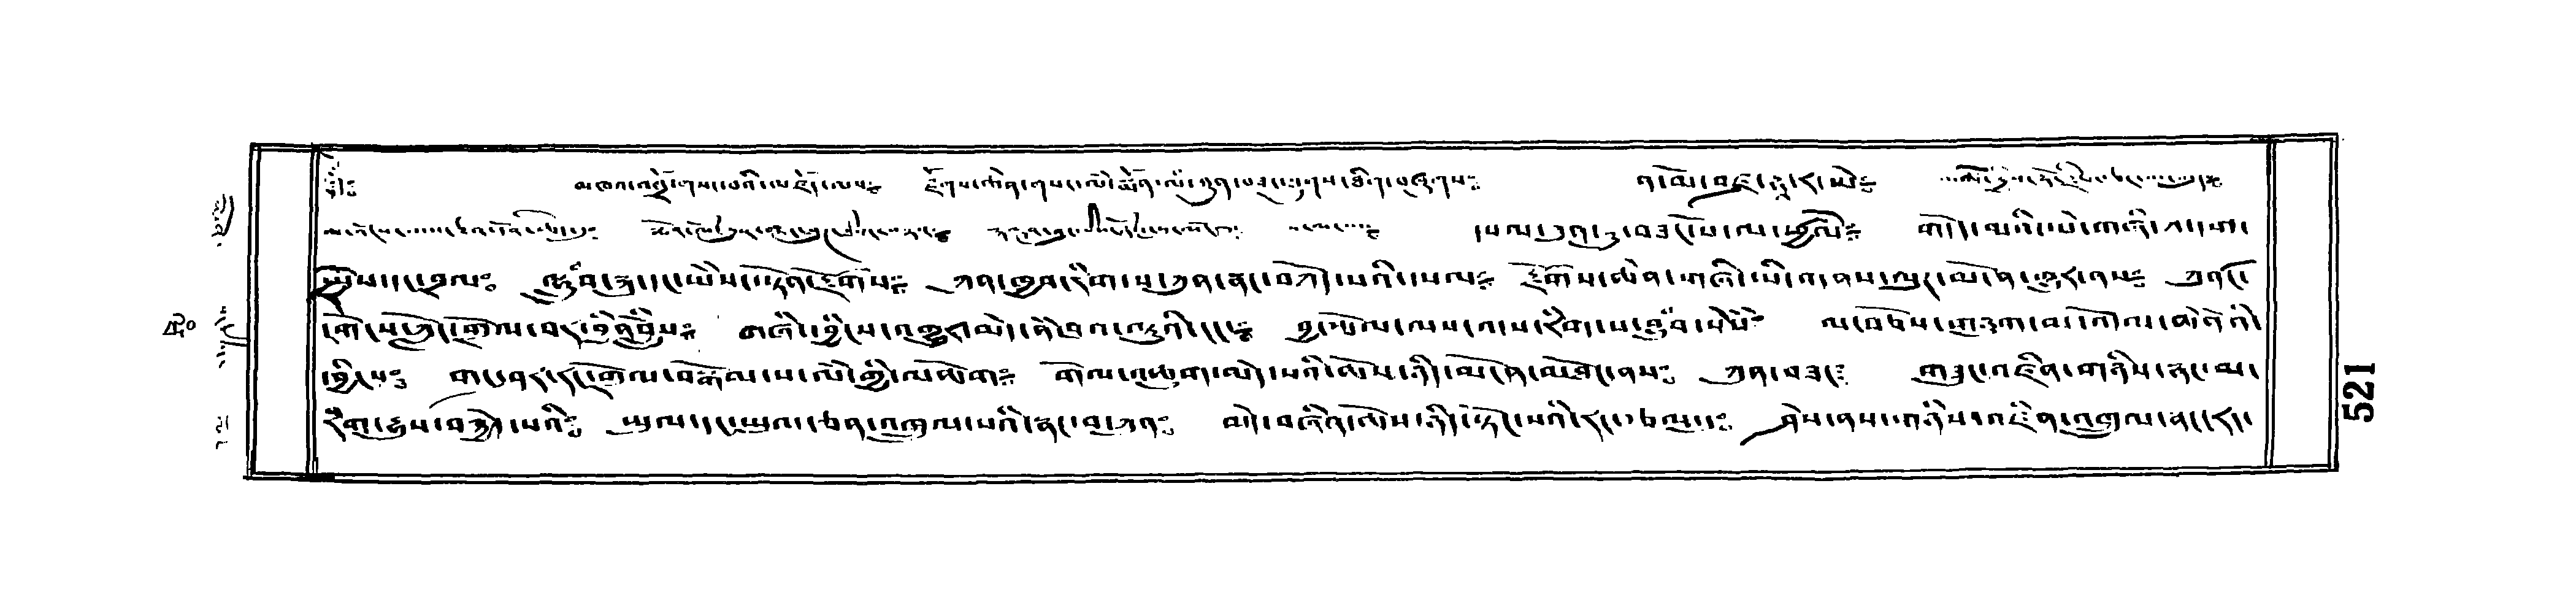མཁའ་འགྲོ་གསང་བའི་མཛོད་ལས༔ རྫོགས་ཆེན་གསང་ལམ་སྨོན་ལམ་ཀུན་བཟང་ཐུགས་ཐིག་བཞུགས༔ ན་མོ་བཛྲ་དྷཱ་ར་ཡེ༔ མཚོ་སྐྱེས་རྡོ་རྗེ་འཆང་ལ་འདུད༔ 
མ་འོངས་ལན་ཅན་དོན་ཆེད་དུ༔ སྨོན་ལམ་ཀུན་བཟང་ཐུགས་ཐིག་བསྟན༔ སྐལ་ལྡན་བུ་ཡིས་ཉམས་སུ་ལོངས༔ ས་མ་ཡ༔ དཔལ་ཀུན་ཏུ་བཟང་པོ་ལ་ཕྱག་འཚལ་ལོ༔ གདོད་མའི་ཡེ་གཞི་ཀ་དག་
སྤྲོས་དང་བྲལ༔ ལྷུན་གྲུབ་སྐུ་དང་ཡེ་ཤེས་ཡོན་ཏན་རྫོགས༔ ཀུན་ཁྱབ་རིག་པ་ཀུན་སྣང་བཀོད་པའི་དཔལ༔ རྫོགས་ཆེན་གཞི་ཡི་གནས་ལུགས་མངོན་གྱུར་ནས༔ ཀུན་བཟང་
དགོངས་ཀློང་གྲོལ་བར་བྱིན་གྱིས་རློབས༔ གཞི་དབྱིངས་འགྱུར་མེད་ནམ་མཁའ་ལྟ་བུའི་ངང༔ བྱ་རྩོལ་ལས་འདས་རིག་པ་བྱང་ཆུབ་སེམས༔ མ་བཅོས་གཉུག་མ་འོད་གསལ་ཆེན་པོའི་
དབྱིངས༔ གང་ཤར་རང་གྲོལ་བསྒོམ་པ་ལམ་གྱི་མཆོག༔ གོལ་འཆུག་མེད་པའི་ཆོས་ཉིད་མངོན་མཐོང་ནས༔ ཀུན་བཟང༴ གཟུང་འཛིན་གཉིས་སྣང་མ་
རིག་རྒྱུས་བསྐྱེད་པའི༔ ཡུལ་དང་ཡུལ་ཅན་འཁྲུལ་པའི་སྣང་བ་ཀུན༔ མེད་བཞིན་ཆོས་ཉིད་སྟོང་པའི་རང་རྩལ་དུ༔ ཤེས་ནས་གཉིས་འཛིན་འཁྲུལ་སྣང་རང་